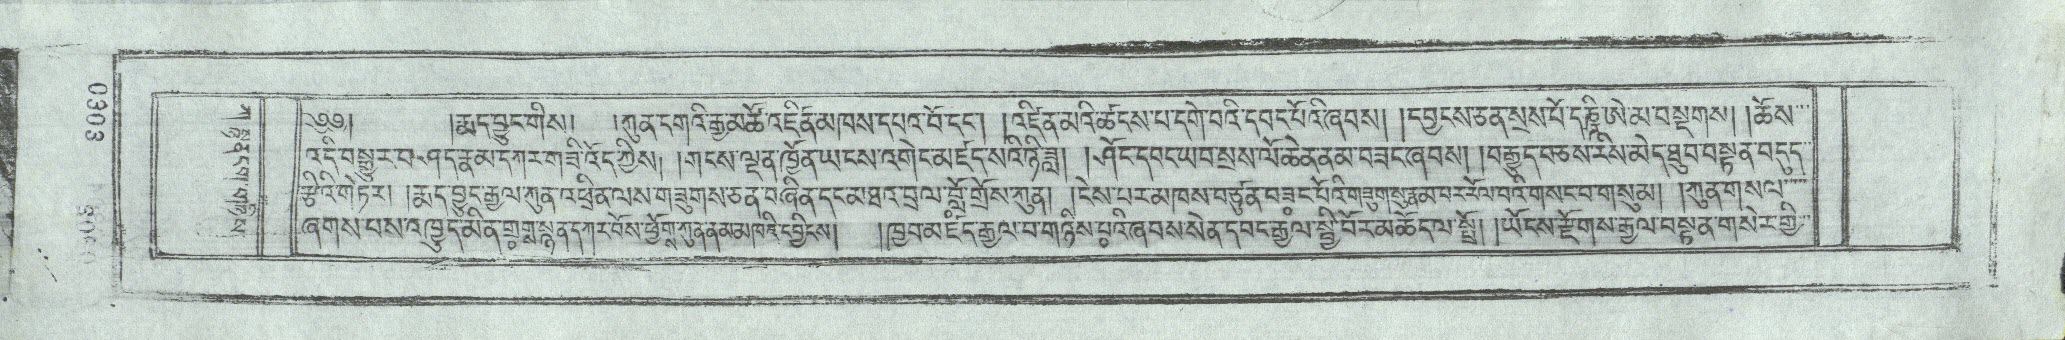༄༅། །རྨད་བྱུང་གིས། །ཀུན་དགའི་རྒྱ་མཚོ་འཛིན་མཁས་དཔའ་བོ་དང་། །འཛིན་མའི་ཚངས་པ་དགེ་བའི་དབང་པོའི་ཞབས། །དབྱངས་ཅན་སྲས་པོ་དཎྜི་ཨེ་མ་བསྔགས། །ཆོས་
འདི་བསྒྱུར་བཤད་རྣམ་དཀར་གཟི་འོད་ཀྱིས། །གངས་ལྡན་ཁྱོན་ཡངས་འགེང་མཛད་སའི་ཉི་ཟླ། །ཤོང་དབང་ཡབ་སྲས་ལོ་ཆེན་ནམ་བཟང་ཞབས། །བརྒྱུད་བཅས་རིས་མེད་ཐུབ་བསྟན་བདུད་
རྩིའི་གཏེར། །རྨད་བྱུང་རྒྱལ་ཀུན་འཕྲིན་ལས་གཟུགས་ཅན་བཞིན་དང་མཐའ་བྲལ་བློ་གྲོས་ཀུན། །ངེས་པར་མཁས་བཙུན་བཟང་པོའི་གཟུག་སུ་རྣམ་པར་རོལ་བའི་གསང་བ་གསུམ། །ཀུན་གསལ་
ཞགས་པས་འཁྱུད་མིན་གྲགས་སྙན་དཀར་པོས་ཕྱོགས་ཀུན་ནམ་མཁའི་དབྱིངས། །ཁྱབ་མཛད་རྒྱལ་བ་གཉིས་བའི་ཞབས་སེན་དབང་རྒྱལ་སྤྱི་བོར་མཆོད་ལ་སྤྲོ། །ཡོངས་རྫོགས་རྒྱལ་བསྟན་གསེར་གྱི་